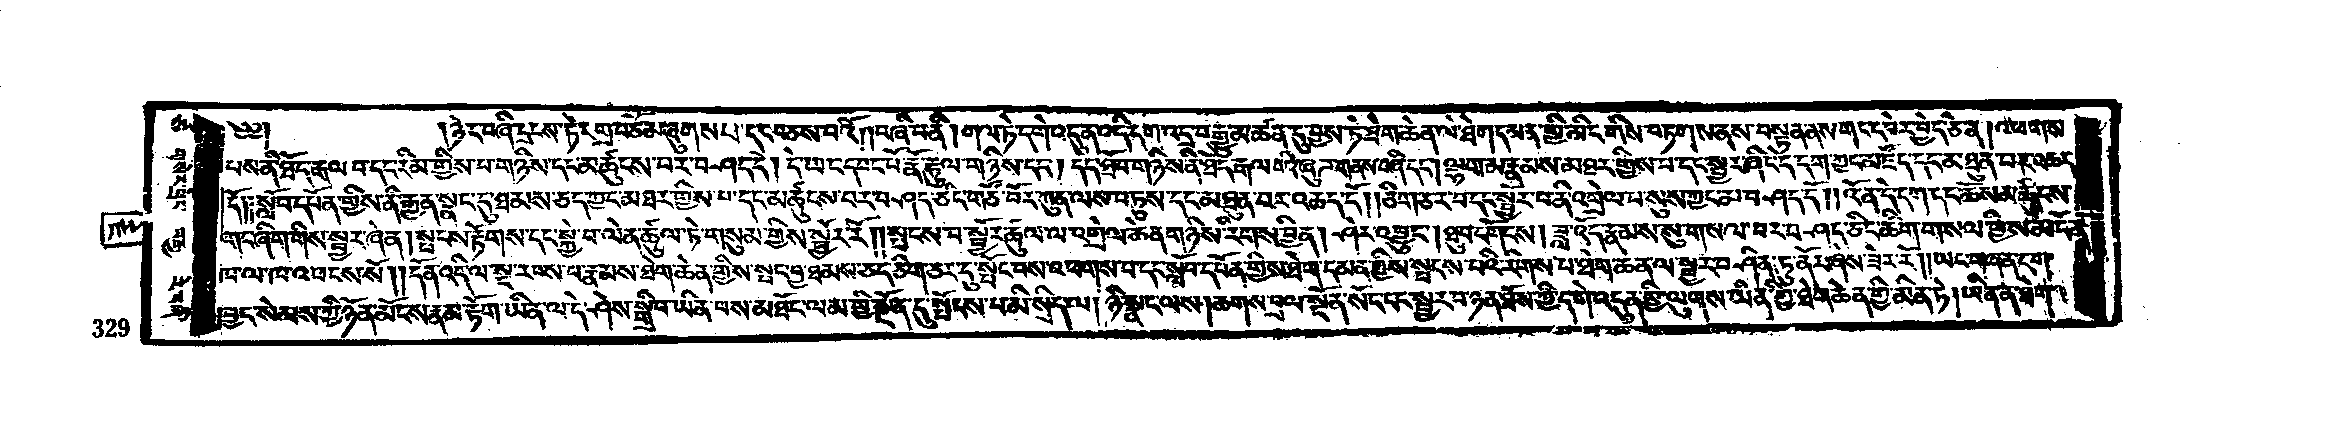༄༅། །ཉེར་བཞི་དྲངས་ཏེ་དགྲ་བཅོམ་ཞུགས་པ་དང་བཅས་པའོ། །བཞི་པ་ནི། གལ་ཏེ་དགེ་འདུན་འདི་དག་འདྲ་བ་རྒྱུ་མཚན་དུ་བྱས་ཏེ་ཐེག་ཆེན་ལ་ཐེག་དམན་གྱི་མིང་གིས་བཏགས་ནས་བསྟན་ནས་གང་དཔེར་བྱེད་ཅེ་ན། འཕགས་
པས་ནི་ཐོད་རྒལ་བ་དང་རིམ་གྱིས་པ་གཉིས་དང་མཚུངས་པར་བཤད་དེ། དེ་ཡང་དབང་པོ་རྣོ་རྟུལ་གཉིས་དང་། དད་ཐོབ་གཉིས་ནི་ཐོད་རྒལ་བའི་ཞུགས་གནས་བཞི་དང་། ལྷག་མ་རྣམས་མཐར་གྱིས་པ་དང་སྦྱར་ཞིང་དེ་དག་ཀྱང་མཛོད་དང་མཐུན་པར་འཆད་
དོ༑ ༑སློབ་དཔོན་གྱིས་ནི་རྒྱན་སྣང་དུ་ཐམས་ཅད་ཀྱང་མཐར་གྱིས་པ་དང་མཚུངས་པར་བཤད་ཅིང་གཙོ་བོར་ཀུན་ལས་བཏུས་དང་མཐུན་པར་འཆད་དོ། །ཅིག་ཅར་བ་དང་སྦྱོར་བ་ནི་འགྲེལ་པ་སུས་ཀྱང་མ་བཤད་དོ། །འོ་ན་དེ་དག་དང་ཆོས་མཚུངས་
གང་ཞིག་གིས་སྦྱར་ཞེ་ན། སྤངས་རྟོགས་དང་སྐྱེ་བ་ལེན་ཚུལ་ཏེ་གསུམ་གྱིས་སྦྱོར་རོ། །སྤངས་པ་སྦྱོར་ཚུལ་ལ་འགྲེལ་ཆེན་གཉིས་རིགས་བྱིན། ཤེར་འབྱུང་། ཐུབ་དགོངས། ཟླ་འོད་རྣམས་སུ་གསལ་བར་བཤད་ཅིང་ཚིག་གསལ་གྱིས་མངོན་
པ་ལ་ཁ་འཕངས་སོ། །དོན་འདི་ལ་སྔ་རབས་པ་རྣམས་ཐེག་ཆེན་གྱིས་སྤང་བྱ་ཐམས་ཅད་ཅིག་ཅར་དུ་སྤོང་བས་འཕགས་པ་དང་སློབ་དཔོན་གྱིས་ཐེག་དམན་གྱིས་སྤངས་པའི་རིགས་པ་ཐེག་ཆེན་ལ་སྦྱར་བ་ཤིན་ཏུ་ནོར་ཞེས་ཟེར་རོ། །ཡང་གཞན་དག་
བྱང་སེམས་ཀྱི་ཉོན་མོངས་རྣམ་རྟོག་ཡིན་ལ་དེ་ཤེས་སྒྲིབ་ཡིན་པས་མཐོང་ལམ་གྱི་སྔོན་དུ་སྤོངས་པ་མི་སྲིད་ལ། ཉི་སྣང་ལས། ཆགས་བྲལ་སྔོན་སོང་དང་སྦྱར་བ་ཉན་ཐོས་ཀྱི་དགེ་འདུན་གྱི་ལུགས་ཡིན་གྱི་ཐེག་ཆེན་གྱི་མིན་ཏེ། ཡིན་ན་ཐེག་